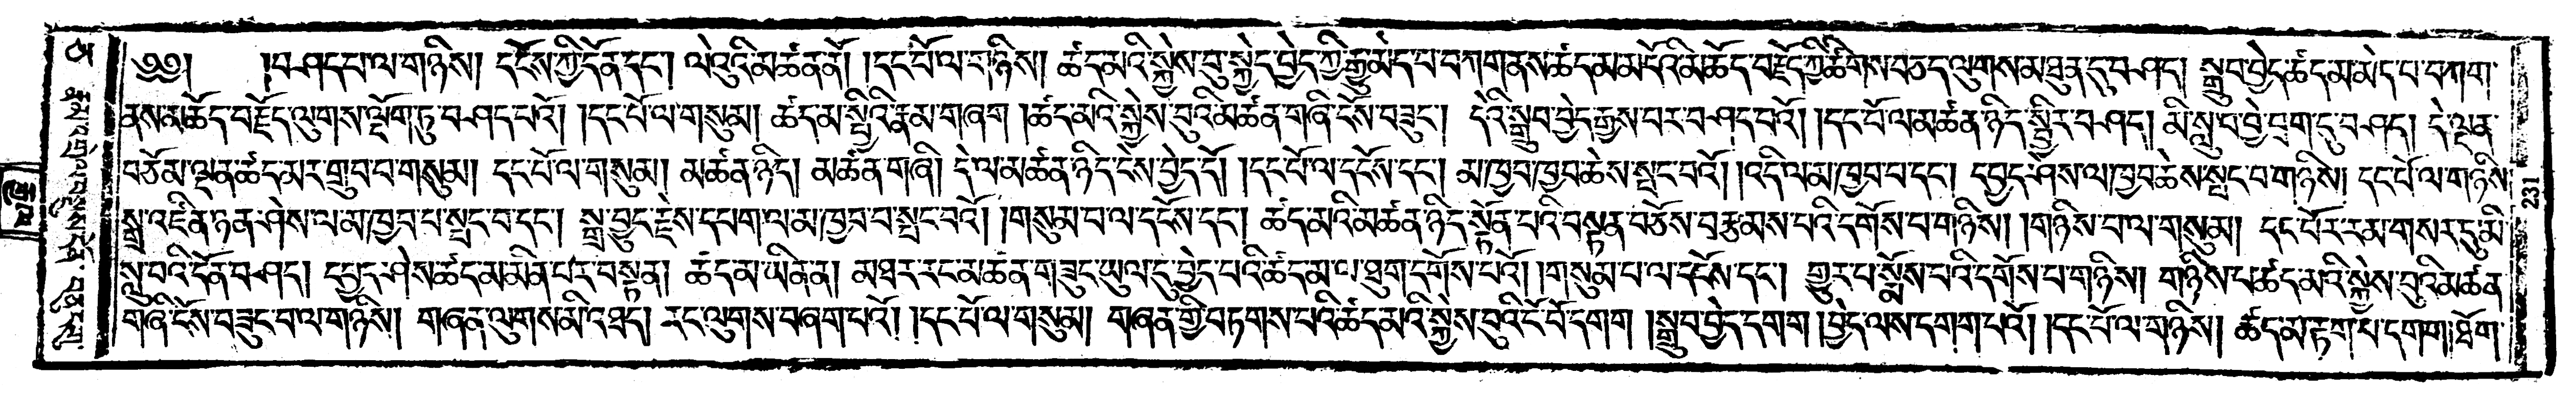༄༅། །བཤད་པ་ལ་གཉིས། དངོས་ཀྱི་དོན་དང་། ལེའུའི་མཚན་ནོ། །དང་པོ་ལ་གཉིས། ཚད་མའི་སྐྱེས་བུ་སྐྱེད་བྱེད་ཀྱི་རྒྱུ་མེད་པ་བཀག་ནས་ཚད་མ་མདོའི་མཆོད་བརྗོད་ཀྱི་ཚིགས་བཅད་ལུགས་མཐུན་དུ་བཤད། སྒྲུབ་བྱེད་ཚད་མ་མེད་པ་བཀག་
ནས་མཆོད་བརྗོད་ལུགས་ལྡོག་ཏུ་བཤད་པའོ། །དང་པོ་ལ་གསུམ། ཚད་མ་སྤྱིའི་རྣམ་གཞག །ཚད་མའི་སྐྱེས་བུའི་མཚན་གཞི་ངོས་བཟུང་། དེའི་སྒྲུབ་བྱེད་རྒྱས་པར་བཤད་པའོ། །དང་པོ་ལ་མཚན་ཉིད་སྤྱིར་བཤད། མི་སླུ་བ་བྱེ་བྲག་དུ་བཤད། དེ་ལྡན་
བཅོམ་ལྡན་ཚད་མར་གྲུབ་པ་གསུམ། དང་པོ་ལ་གསུམ། མཚན་ཉིད། མཚན་གཞི། དེ་ལ་མཚན་ཉིད་ངེས་བྱེད་དོ། །དང་པོ་ལ་དངོས་དང་། མ་ཁྱབ་ཁྱབ་ཆེས་སྤང་བའོ། །འདི་ལ་མ་ཁྱབ་པ་དང་། དཔྱད་ཤེས་ལ་ཁྱབ་ཆེས་སྤང་པ་གཉིས། དང་པོ་ལ་གཉིས་
སྒྲ་འཛིན་ཉན་ཤེས་ལ་མ་ཁྱབ་པ་སྤང་བ་དང་། སྒྲ་བྱུང་རྗེས་དཔག་ལ་མ་ཁྱབ་པ་སྤང་བའོ། །གསུམ་པ་ལ་དངོས་དང་། ཚད་མའི་མཚན་ཉིད་སྟོན་པའི་བསྟན་བཅོས་བརྩམས་པའི་དགོས་པ་གཉིས། །གཉིས་པ་ལ་གསུམ། དང་པོར་རམ་གསར་དུ་མི་
སླུ་བའི་དོན་བཤད། དཔྱད་ཤེས་ཚད་མ་མིན་པར་བསྟན། ཚད་མ་ཡིན་ན། མཐར་རང་མཚན་གཟུང་ཡུལ་དུ་བྱེད་པའི་ཚད་མ་ལ་ཐུག་དགོས་པའོ། །གསུམ་པ་ལ་དངོས་དང་། གྱུར་པ་སྨོས་པའི་དགོས་པ་གཉིས། གཉིས་པ་ཚད་མའི་སྐྱེས་བུའི་མཚན་
གཞི་ངོས་བཟུང་བ་ལ་གཉིས། གཞན་ལུགས་མི་འཐད། རང་ལུགས་བཞག་པའོ། །དང་པོ་ལ་གསུམ། གཞན་གྱི་བཏགས་པའི་ཚད་མའི་སྐྱེས་བུའི་ངོ་བོ་དགག །སྒྲུབ་བྱེད་དགག། བྱེད་ལས་དགག་པའོ། །དང་པོ་ལ་གཉིས། ཚད་མ་རྟག་པ་དགག། ཐོག་